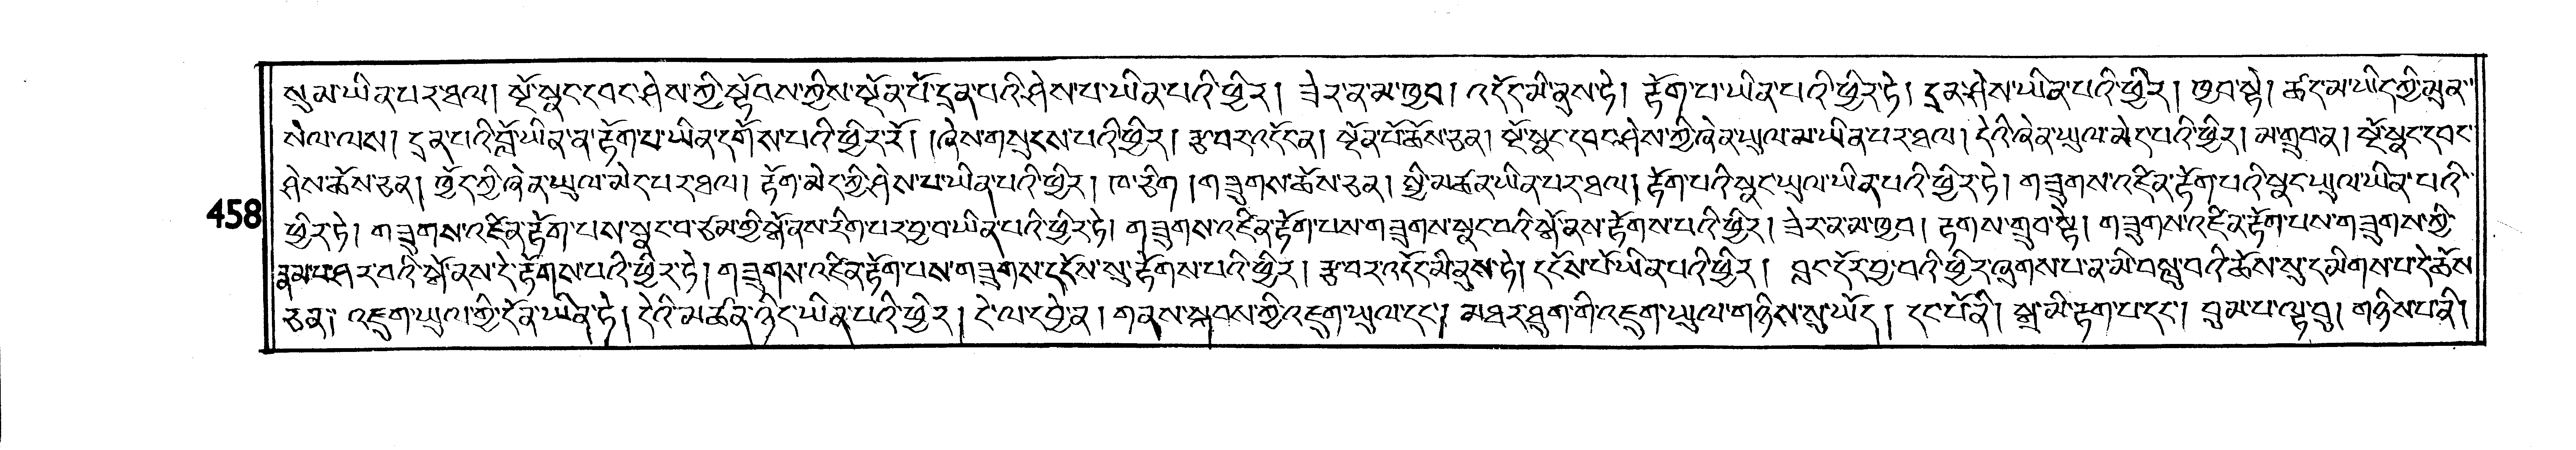སུམ་ཡིན་པར་ཐལ། སྔོ་སྣང་དབང་ཤེས་ཀྱི་སྟོབས་ཀྱིས་སྔོན་པོ་དྲན་པའི་ཤེས་པ་ཡིན་པའི་ཕྱིར། ཟེར་ན་མ་ཁྱབ། འདོད་མི་ནུས་ཏེ། རྟོག་པ་ཡིན་པའི་ཕྱིར་ཏེ། དྲན་ཤེས་ཡིན་པའི་ཕྱིར། ཁྱབ་སྟེ། ཚད་མ་ཡིད་ཀྱི་མུན་
སེལ་ལས། དྲན་པའི་བློ་ཡིན་ན་རྟོག་པ་ཡིན་དགོས་པའི་ཕྱིར་རོ། །ཞེས་གསུངས་པའི་ཕྱིར། རྩ་བར་འདོད་ན། སྔོན་པོ་ཆོས་ཅན། སྔོ་སྣང་དབང་ཤེས་ཀྱི་ཞེན་ཡུལ་མ་ཡིན་པར་ཐལ། དེའི་ཞེན་ཡུལ་མེད་པའི་ཕྱིར། མ་གྲུབ་ན། སྔོ་སྣང་དབང་
ཤེས་ཆོས་ཅན། ཁྱོད་ཀྱི་ཞེན་ཡུལ་མེད་པར་ཐལ། རྟོག་མེད་ཀྱི་ཤེས་པ་ཡིན་པའི་ཕྱིར། ཁ་ཅིག །གཟུགས་ཆོས་ཅན། སྤྱི་མཚན་ཡིན་པར་ཐལ། རྟོག་པའི་སྣང་ཡུལ་ཡིན་པའི་ཕྱིར་ཏེ། གཟུགས་འཛིན་རྟོག་པའི་སྣང་ཡུལ་ཡིན་པའི་
ཕྱིར་ཏེ། གཟུགས་འཛིན་རྟོག་པས་སྣང་བ་ཙམ་གྱི་སྒོ་ནས་རིག་པར་བྱ་བ་ཡིན་པའི་ཕྱིར་ཏེ། གཟུགས་འཛིན་རྟོག་པས་གཟུགས་སྣང་བའི་སྒོ་ནས་རྟོགས་པའི་ཕྱིར། ཟེར་ན་མ་ཁྱབ། རྟགས་གྲུབ་སྟེ། གཟུགས་འཛིན་རྟོག་པས་གཟུགས་ཀྱི་
རྣམ་པ་ཤར་བའི་སྒོ་ནས་དེ་རྟོགས་པའི་ཕྱིར་ཏེ། གཟུགས་འཛིན་རྟོག་པས་གཟུགས་དངོས་སུ་རྟོགས་པའི་ཕྱིར། རྩ་བར་འདོད་མི་ནུས་ཏེ། དངོས་པོ་ཡིན་པའི་ཕྱིར། བླང་དོར་བྱ་བའི་ཕྱིར་ཞུགས་པ་ན་མི་བསླུ་བའི་ཆོས་སུ་དམིགས་པ་དེ་ཆོས་
ཅན༑ འཇུག་ཡུལ་གྱི་དོན་ཡིན་ཏེ། དེའི་མཚན་ཉིད་ཡིན་པའི་ཕྱིར། དེ་ལ་དབྱེ་ན། གནས་སྐབས་ཀྱི་འཇུག་ཡུལ་དང་། མཐར་ཐུག་གི་འཇུག་ཡུལ་གཉིས་སུ་ཡོད། དང་པོ་ནི། སྒྲ་མི་རྟག་པ་དང་། བུམ་པ་ལྟ་བུ། གཉིས་པ་ནི།